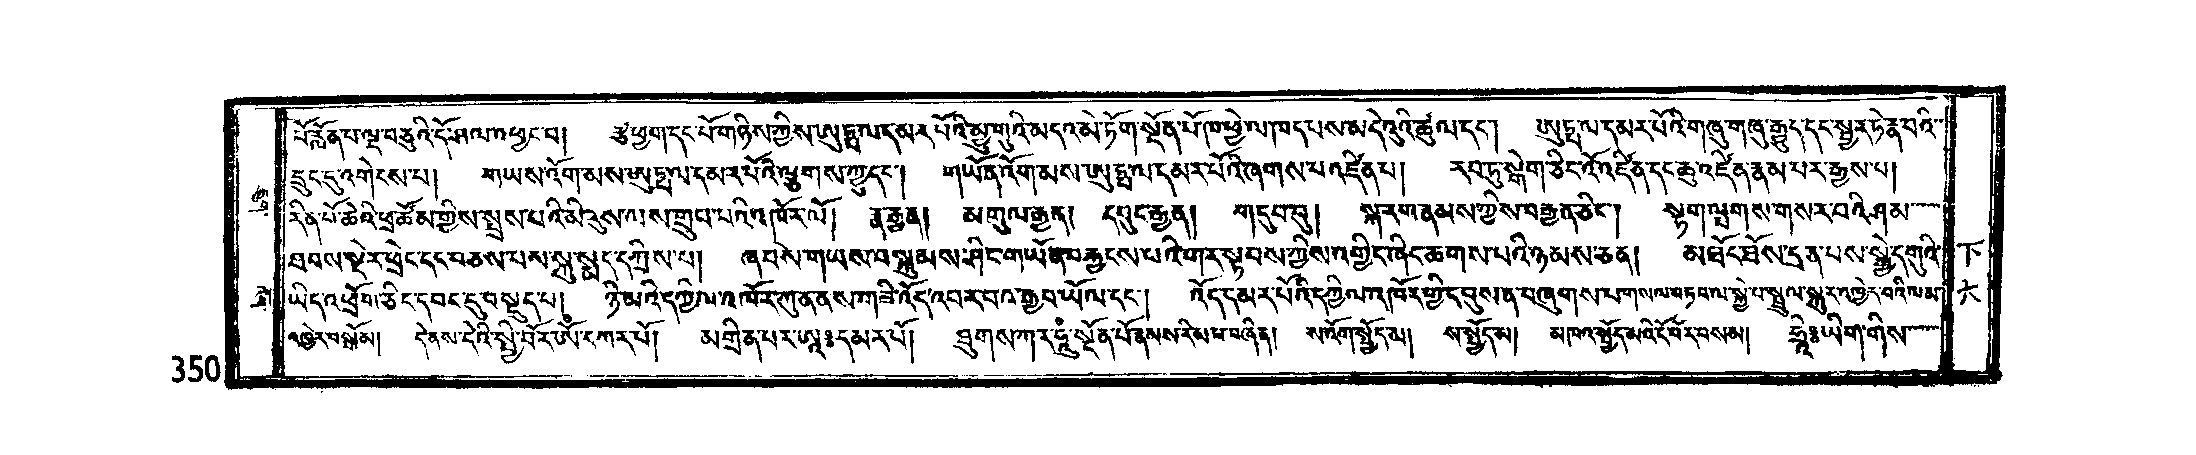པོ་རློན་པ་ལྔ་བཅུའི་དོ་ཤལ་འཕྱང་བ། རྩ་ཕྱག་དང་པོ་གཉིས་ཀྱིས་ཨུཏྤ་ལ་དམར་པོའི་མྱུ་གུའི་མདའ་མེ་ཏོག་སྔོན་པོ་ཁ་ཕྱེ་ལ་ཁད་པས་མདེའུའི་ཚུལ་དང་། ཨུཔྟ་ལ་དམར་པོའི་གཞུ་གཞུ་རྒྱུད་དང་སྦྱར་ཏེ་རྣ་བའི་
དྲུང་དུ་འགེངས་པ། གཡས་འོག་མས་ཨུཏྤ་ལ་དམར་པོའི་ལྕགས་ཀྱུ་དང་། གཡོན་འོག་མས་ཨུཏྤ་ལ་དམར་པོའི་ཞགས་པ་འཛིན་པ། རབ་ཏུ་སྒེག་ཅིང་འོ་འཛིན་དང་ཆུ་འཛིན་རྣམ་པར་རྒྱས་པ།
རིན་པོ་ཆེའི་ཕྲ་ཚོམ་གྱིས་སྤྲས་པའི་མི་རུས་ལས་གྲུབ་པའི་འཁོར་ལོ། རྣ་རྒྱན། མགུལ་རྒྱན། དགུང་རྒྱན། གདུབ་བུ། སྐ་རག་རྣམས་ཀྱིས་བརྒྱན་ཅིང་། སྟག་ལྤགས་གསར་བའི་ཤམ་
ཐབས་སྡེར་ཕྲེང་དང་བཅས་པས་སྐུ་སྨད་དཀྲིས་པ། ཞབས་གཡས་བསྐུམས་ཤིང་གཡོན་བརྐྱངས་པའི་གར་སྟབས་ཀྱིས་འགྱིང་ཞིང་ཆགས་པའི་ཉམས་ཅན། མཐོང་ཐོས་དྲན་པས་སྐྱེ་དགུའི་
ཡིད་འཕྲོག་ཅིང་དབང་དུ་བསྡུད་པ། ཉི་མའི་དཀྱིལ་འཁོར་ཀུན་ནས་གཟི་འོད་འབར་བའི་རྒྱབ་ཡོལ་དང་། འོད་དམར་པོའི་དཀྱིལ་འཁོར་གྱི་དབུས་ན་བཞུགས་པ་གསལ་བཏབ་ལ་སྐྱེ་པ་སྤྲུལ་སྐུར་འཁྱེར་བའི་ལམ་
འཁྱེར་བསྒོམ། དེ་ནས་དེའི་སྤྱི་བོར་ཨོཾ་དཀར་པོ། མགྲིན་པར་ཨཱཿ དམར་པོ། ཐུགས་ཀར་ཧཱུཾ་སྔོན་པོ་རྣམས་རིམ་པ་བཞིན། ས་འོག་སྤྱོད་མ། ས་སྤྱོད་མ། མཁའ་སྤྱོད་མའི་ངོ་བོར་བསམ། ཧྲཱིཿ ཡིག་གིས་